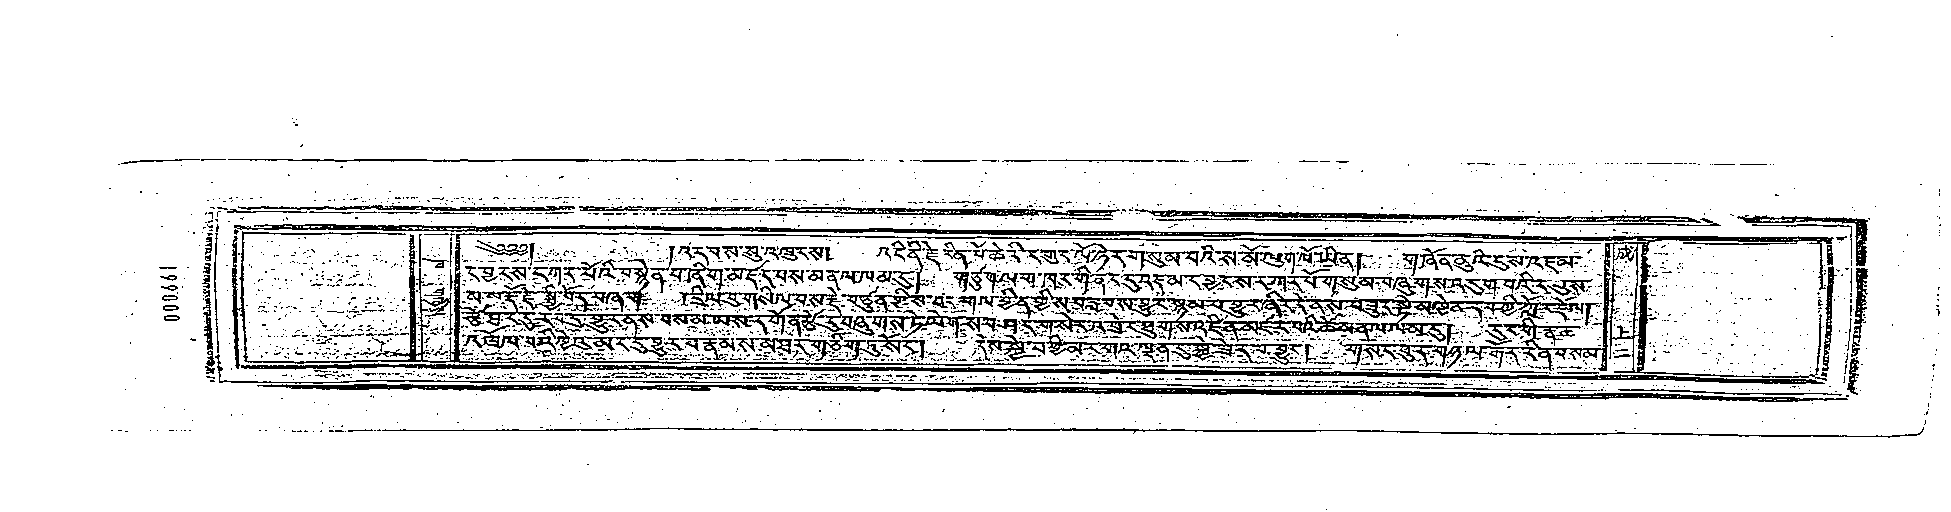༄༅༅། །འདབས་སུ་འཁྲུངས། འདི་ནི་རྗེ་རིན་པོ་ཆེའི་དགུང་ལོ་ཉེར་གསུམ་བའི་ས་མོ་ལུག་ལོ་ཡིན། གཞོན་ནུའི་དུས་འཇམ་
དབྱངས་དཀར་པོའི་བསྙེན་པ་ཞིག་མཛད་བས་མནལ་ལམ་དུ། གཙུག་ལག་ཁང་གི་ནང་དུ་འདམ་དབྱངས་དཀར་པོ་གསུམ་བཞུགས་འདུག་པའི་དབུས་
མས་རྡོ་རྗེ་སྤྱི་བོར་བཞག །དྲིལ་བུ་གསིལ་བས་རྗེ་བཙུན་གྱིས་བདག་ལ་བྱིན་གྱིས་བརླ་བས་བྱུང་སྙམ་པ་བྱུང་ཞིང་དེ་ནས་བཟུང་སྟེ་མཁྱེན་རབ་ཀྱི་ཀློང་རྡོལ།
རྩེ་ཐང་དུ་རབ་དུ་བྱུ་ར་ན་ས་བསམ་ཡས་དགོན་རྩེ་དུ་བཞུ་གས་ཏེ་ལེགས་བཤད་གསེར་འབྲེང་ཐུགས་འཛིན་མཛད་བའི་ཚེ་མནལ་ལམ་དུ། དུང་གི་རྣ་ཆ་
འཁྲོལ་བའི་ཁྱེའུ་མང་དུ་བྱུང་བ་རྣམས་མཐར་གཅིག་ཏུ་སོང་། དེས་སྐྱེ་བ་ཕྱི་མ་དགའ་ལྡན་དུ་སྐྱེ་ཟེར་བ་བྱུང་། གསང་ཕུར་གཉལ་རྒོད་རིན་བསམ་